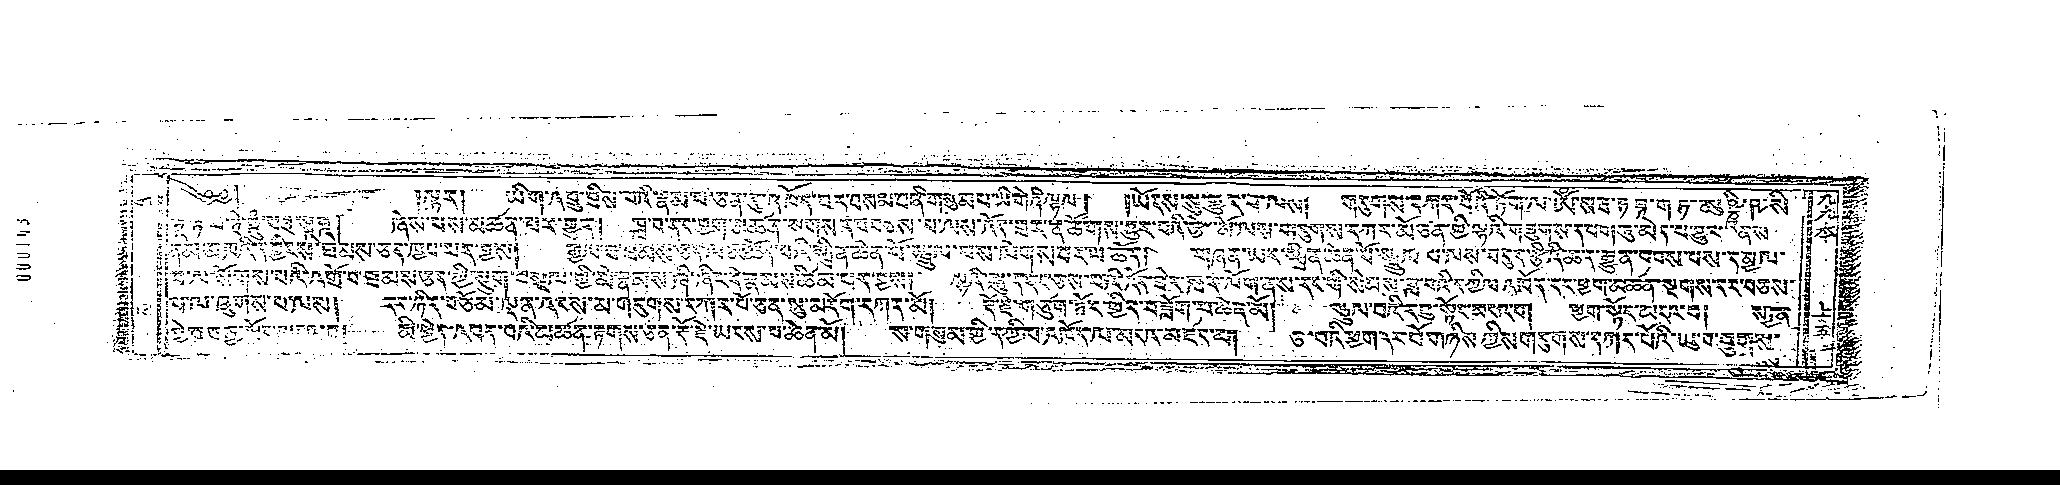༄༅། །ལྟར། ཡིག་འབྲུ་བྲིས་པའི་རྣམ་པ་ཅན་དུ་འཁོད་པར་བསམ་བ་ནི་གསུམ་པ་ཡི་གེའི་ལྷའོ། །ཡོངས་སུ་གྱུར་པ་ལས། གདུགས་དཀར་པོའི་ཏོག་ལ་ཨོཾ་སརྦ་ཏ་ཐཱ་ག་ཏ་ཨུ་ཥྞཱི་ཥ་སི་
ཏཱ་ཏ་པ་ཏྲེ་ཧཱུཾ་ཕཊ་སྭཱཧཱ། ཞེས་པས་མཚན་པར་གྱུར། ཟླ་བ་དང་ཕྱག་མཚན་སྔགས་དང་བཅས་བ་ལས་འོད་ཟེར་སྣ་ཚོགས་བྱུང་བའི་རྩེ་མོ་ལས་གདུགས་དཀར་མོ་ཅན་གྱི་ལྷའི་གཟུགས་དཔག་ཏུ་མེད་པ་བྱུང་ནས་
ནམ་མཁའི་དབྱིངས་ཐམས་ཅད་ཁྱབ་པར་བྱས། རྒྱལ་བ་ཐམས་ཅད་ལ་མཆོད་པའི་སྤྲིང་ཆེན་པོ་སྤྲུལ་པས་ལེགས་པར་མཆོད། གཞན་ཡང་སྤྲིན་ཆེན་པོ་སྤྲུལ་པ་ལས་བདུད་རྩིའི་ཆར་རྒྱུན་བབས་པས་དམྱལ་
བ་ལ་སོགས་པའི་འགྲོ་བ་ཐམས་ཅད་ཀྱི་སྡུག་བསྔལ་གྱི་མེ་རྣམས་ཞི་ཞིང་དེ་རྣམས་ཚིམ་པར་བྱས། ལྷའི་སྐུ་དང་བཅས་པའི་འོད་ཟེར་སླར་ལོག་ནས་རང་གི་སེམས་ཟླ་བའི་དཀྱིལ་འཁོར་དང་ཕྱག་མཚན་སྔགས་དང་བཅས་
པ་ལ་ཞུགས་པ་ལས། རང་ཉིད་བཅོམ་ལྡན་འདས་མ་གདུགས་དཀར་པོ་ཅན་སྐུ་མདོག་དཀར་མོ། རྡོ་རྗེ་གཙུག་ཏོར་ཕྱིར་བཟློག་བ་ཆེན་མོ། སྤྲུལ་པའི་དབུ་སྟོང་མངའ་བ། ཕྱག་སྟོང་མངའ་བ། སྤྱན་
བྱེ་བ་བརྒྱ་སྟོང་མངའ་བ། མི་ཕྱེད་འབར་བའི་མཚན་རྟགས་ཅན་རྡོ་རྗེ་ཡངས་པ་ཆེན་མོ། ས་གསུམ་གྱི་དཀྱིལ་འཁོར་ལ་མངའ་མཛད་མ། རྩ་པའི་ཕྱག་དང་པོ་གཉིས་ཀྱིས་གདུགས་དཀར་པོའི་ཡུ་བ་ཐུགས་